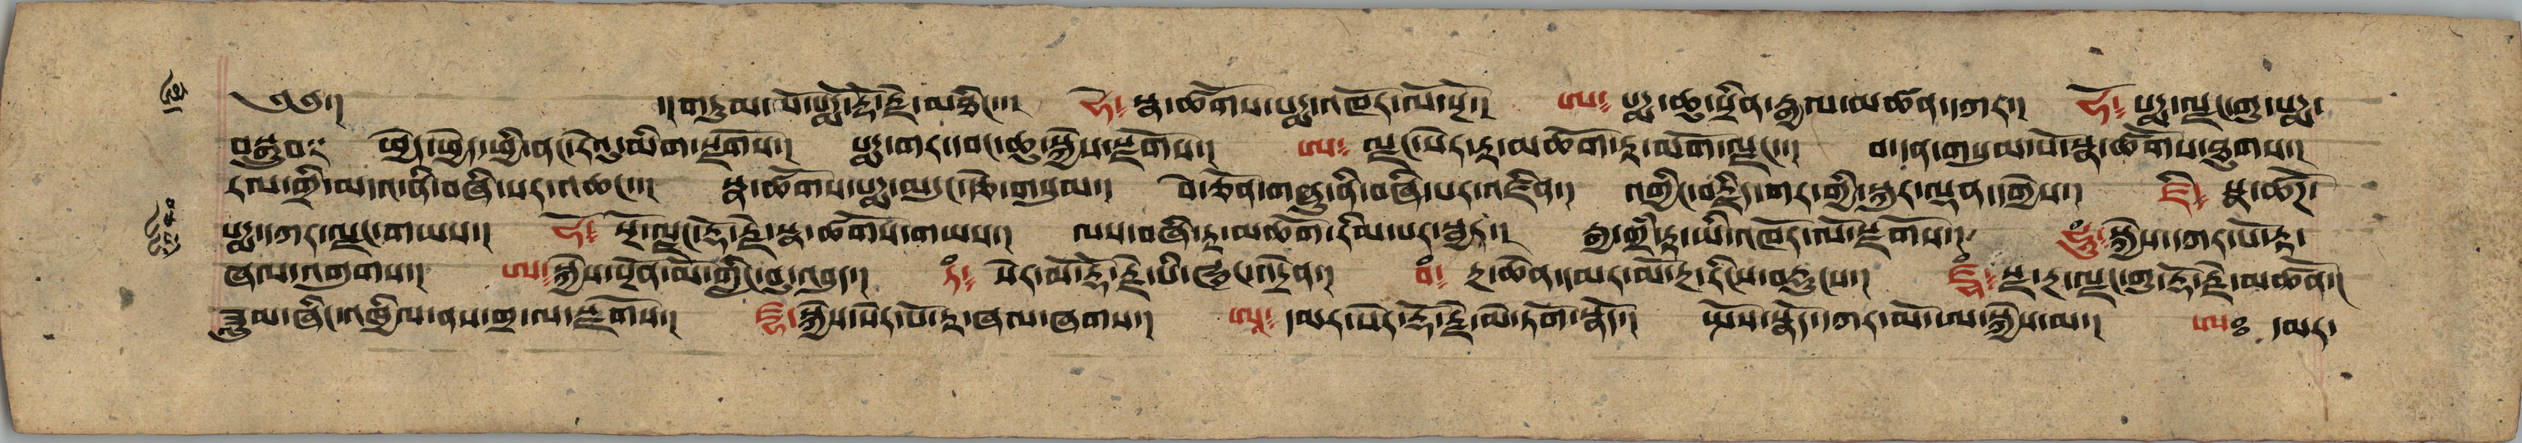༄༅་། ་།གཏུམ་པོ་པདྨོ་རྡོ་རྗེ་མཐིང་་། ཧེ༴ སྣ་ཚོགས་པདྨ་འཁོར་ལོ་སྔོ་། ཨ༴ པདྨ་ཆུ་སྲིན་རྒྱལ་མཚན་དཀར་། ཧོ༴ པདྨ་ལྗང་གུ་པདྨ་
བསྒྲུབ༑ ཕྱེད་ཕྱེད་ཕྱི་ནང་རེའུ་མིག་སྫོགས་། པདྨ་གར་དབང་ཆུ་སྐྱེས་སྫོགས་། ཨ༴ ལྗང་སེར་རྟ་མཆོག་རྟ་མགོ་ལྗང་་། བ་དན་གསུམ་པོ་སྣ་ཚོགས་ཐུགས་།
རལ་གྲི་མདའ་ནི་བཞི་པར་འཆང་་། སྣ་ཚོགས་པདྨ་མདུང་རྩེ་གསུམ་། བེ་ཅོན་གཞུ་ནི་བཞི་པར་འཛིན་། འགྱིང་བརྗིད་གར་གྱི་སྐུར་ལྡན་དགྱེས་། ཛི༴ སྣ་ཚོཌ་
པདྨ་དཀར་ལྗང་གཡས་། ཧོ༴ སྔོ་ལྗང་རྡོ་རྗེ་སྣ་ཚོགས་གཡས་། ལས་བཞི་རྟ་མཆོག་རིམ་པར་སྦྱར་། རྒྱ་གྲཾ་རྟ་ཡི་འཁོར་ལོ་སྫོགས་། ཧཱུཾ་སྐྱེས་དཀར་པོ་རྟ་
ཞལ་འགུགས་། ཨ་སྐྱེས་སྔོན་མོ་གླིང་བུ་འབུད་། ཏཾ༴ སེར་མོ་རྡོ་རྗེ་པི་ཝང་འདྲེན་། བཾ༴ རྔ་ཆེན་དམར་མོ་རྔ་རིངས་བརྡུངས་། ཛྷཾ༴སྫ་རྔ་ལྗང་གུ་རྡོ་རྗེ་མཚོན་།
ཟླུམ་ཞིང་འཁྱིལ་ནས་གྲ་ལ་སྫོགས་། ཛྙ་སྐྱེས་སེར་པོ་རྟ་ཞལ་ཞགས་། ཨཱ༴ དམར་སེར་རྡོ་རྗེ་མེ་ཏོག་སྣོད་། སྤོས་སྣོད་དཀར་མོ་ཨ་སྐྱེས་མ་། ཨཿ དམར་